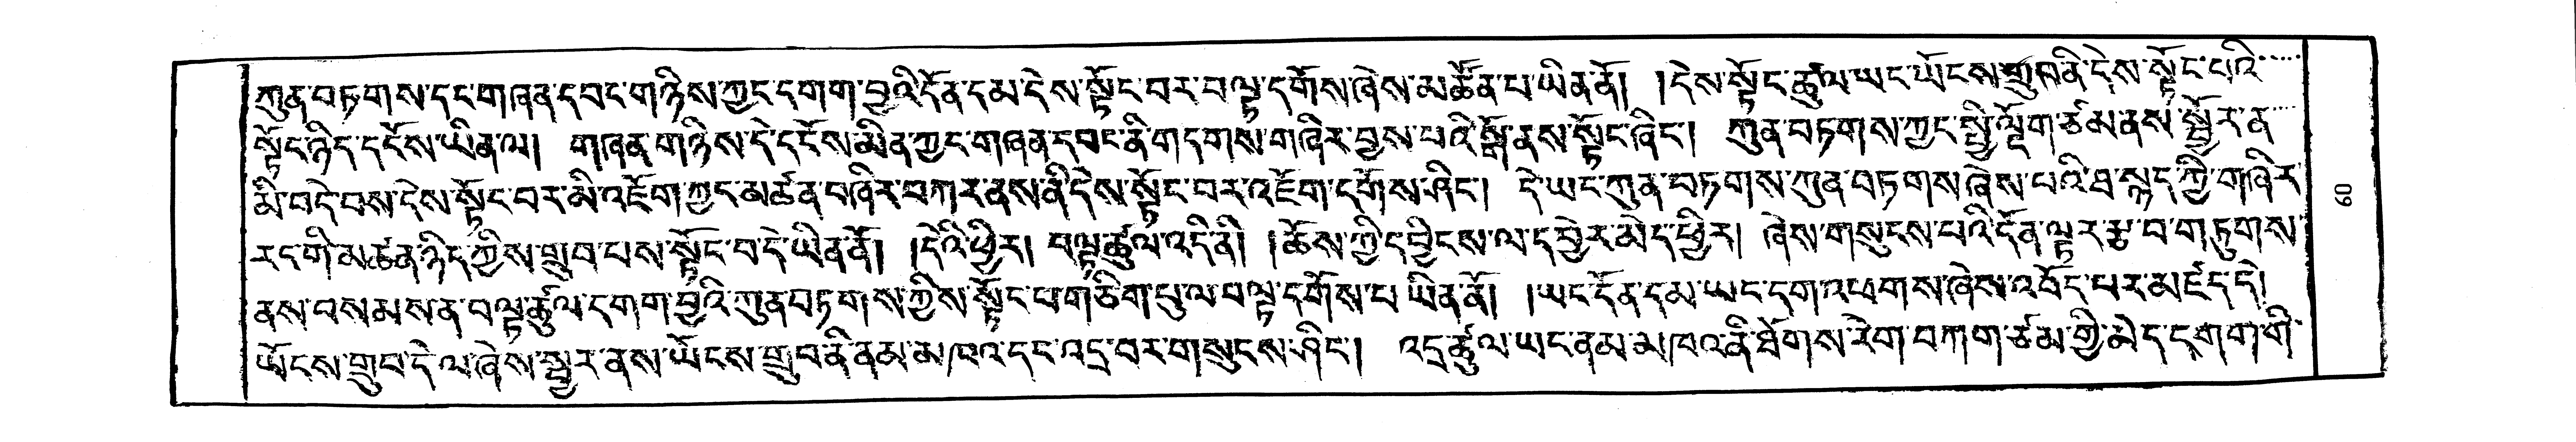ཀུན་བཏགས་དང་གཞན་དབང་གཉིས་ཀྱང་དགག་བྱའི་དོན་དམ་དེས་སྟོང་བར་བལྟ་དགོས་ཞེས་མཚོན་པ་ཡིན་ནོ། །དེས་སྟོང་ཚུལ་ཡང་ཡོངས་གྲུབ་ནི་དེས་སྟོང་པའི་
སྟོང་ཉིད་དངོས་ཡིན་ལ། གཞན་གཉིས་དེ་དངོས་མིན་ཀྱང་གཞན་དབང་ནི་གདགས་གཞིར་བྱས་པའི་སྒོ་ནས་སྟོང་ཞིང་། ཀུན་བཏགས་ཀྱང་སྤྱི་ལྡོག་ཙམ་ནས་སྦྱོར་ན་
མི་བདེ་བས་དེས་སྟོང་པར་མི་འཇོག་ཀྱང་མཚན་བཞིར་བཀར་ནས་ནི་དེས་སྟོང་བར་འཇོག་དགོས་ཤིང་། དེ་ཡང་ཀུན་བཏགས་ཀུན་བཏགས་ཞེས་པའི་ཐ་སྙད་ཀྱི་གཞིར་
རང་གི་མཚན་ཉིད་ཀྱིས་གྲུབ་པས་སྟོང་བ་དེ་ཡིན་ནོ། །དེའི་ཕྱིར། བལྟ་ཚུལ་འདི་ནི། །ཆོས་ཀྱི་དབྱིངས་ལ་དབྱེར་མེད་ཕྱིར། ཞེས་གསུངས་པའི་དོན་ལྟར་རྩ་བ་གཏུགས་
ནས་བསམས་ན་བལྟ་ཚུལ་དགག་བྱའི་ཀུན་བཏགས་ཀྱིས་སྟོང་པ་གཅིག་པུ་ལ་བལྟ་དགོས་པ་ཡིན་ནོ། །ཡང་དོན་དམ་ཡང་དག་འཕགས་ཞེས་འབོད་པར་མཛད་དེ།
ཡོངས་གྲུབ་དེ་ལ་ཞེས་སྦྱར་ནས་ཡོངས་གྲུབ་ནི་ནམ་མཁའ་དང་འདྲ་བར་གསུངས་ཤིང་། འདྲ་ཚུལ་ཡང་ནམ་མཁའ་ནི་ཐོགས་རེག་བཀག་ཙམ་གྱི་མེད་དགག་གི་